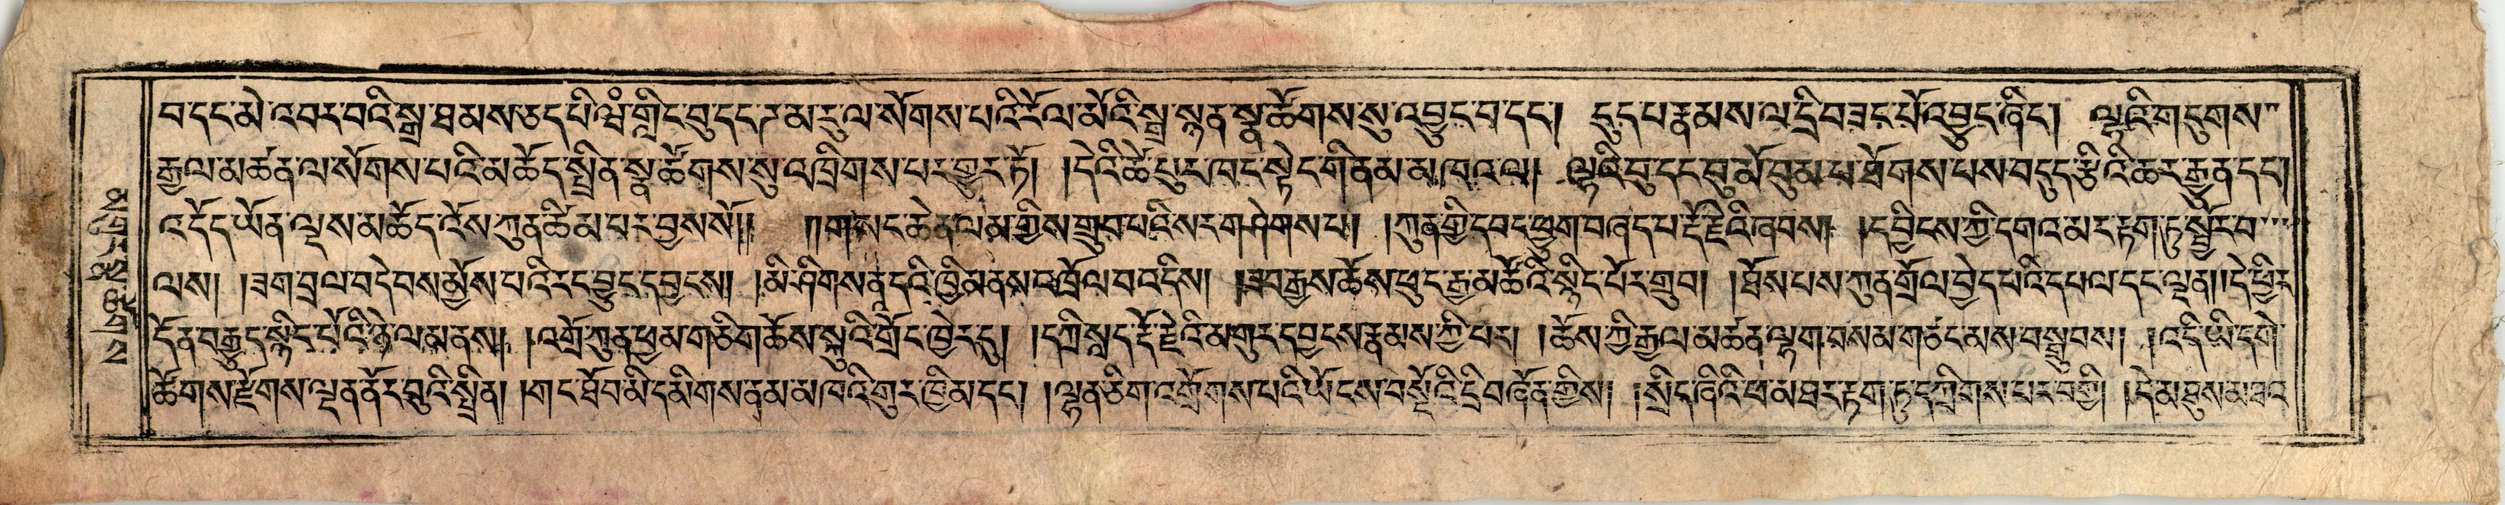བ་དང་མེ་འབར་བའི་སྒྲ་ཐམས་ཅད་པི་ཝཾ་གླིང་བུ་དང་ཌ་མ་རུ་ལ་སོགས་པའི་རོལ་མོའི་སྒྲ་སྙན་སྣ་ཚོགས་སུ་འབྱུང་བ་དང་། དུད་པ་རྣམས་ལ་དྲི་བཟང་པོ་འབྱུང་ཞིང་། ལྷའི་གདུགས་
རྒྱལ་མཚན་ལ་སོགས་པའི་མཆོད་སྤྲིན་སྣ་ཚོགས་སུ་འཁྲིགས་པར་གྱུར་ཏོ། །དེའི་ཚེ་པུར་ཁང་སྟེང་གི་ནམ་མཁའ་ལ། ལྷའི་བུ་དང་བུ་མོ་བུམ་པ་ཐོགས་པས་བདུད་རྩིའི་ཆར་རྒྱུན་དང་། །
འདོད་ཡོན་ལྔས་མཆོད་འོས་ཀུན་ཚིམ་པར་བྱས་སོ།། །།གསང་ཆེན་ལམ་གྱིས་གྲུབ་པའི་སར་གཤེགས་པ། །ཀུན་གྱི་དབང་ཕྱུག་བཞད་པ་རྡོ་རྗེའི་ཞབས། །དབྱིངས་ཀྱི་དགའ་མར་རྟག་ཏུ་སྦྱོར་བ་
ལས། །ཟག་བྲལ་བདེ་བས་མྱོས་པའི་རང་བྱུང་དབྱངས། །མི་ཤིགས་ན་དའི་ཁྱིམ་ནས་འཁྲོལ་བ་འདིས། །ཟབ་རྒྱས་ཆོས་ཕུང་རྒྱ་མཚོའི་སྙིང་པོར་གྲུབ། །ཐོས་པས་ཀུན་གྲོལ་བྱེད་པའི་དཔལ་དང་ལྡན། །དེ་ཕྱིར་
དོན་བརྒྱུད་སྙིང་པོའི་ཉེ་ལམ་ནས། །འགྲོ་ཀུན་ཕྱམ་གཅིག་ཆོས་སྐུའི་གྲོང་ཁྱེར་དུ། །དཀྲི་སླད་རྡོ་རྗེའི་མགུར་དབྱངས་རྣམས་ཀྱི་པར། །ཆོས་ཀྱི་རྒྱལ་མཚན་ལྷག་བསམ་གཙང་མས་བསྒྲུབས། །འདི་ཡི་དགེ་
ཚོགས་རྫོགས་ལྡན་ནོར་བུའི་སྤྲིན། །གང་ཐོབ་མི་དམིགས་ནམ་མཁའི་གུར་ཁྱིམ་དང་། །ལྷན་ཅིག་འགྲོགས་པའི་ཡོངས་བསྔོའི་དྲི་བཞོན་གྱིས། །སྲིད་ཞིའི་ཕ་མཐར་རྟག་ཏུ་དཀྲིགས་པར་བགྱི། །དེ་མཐུས་མཐའ་